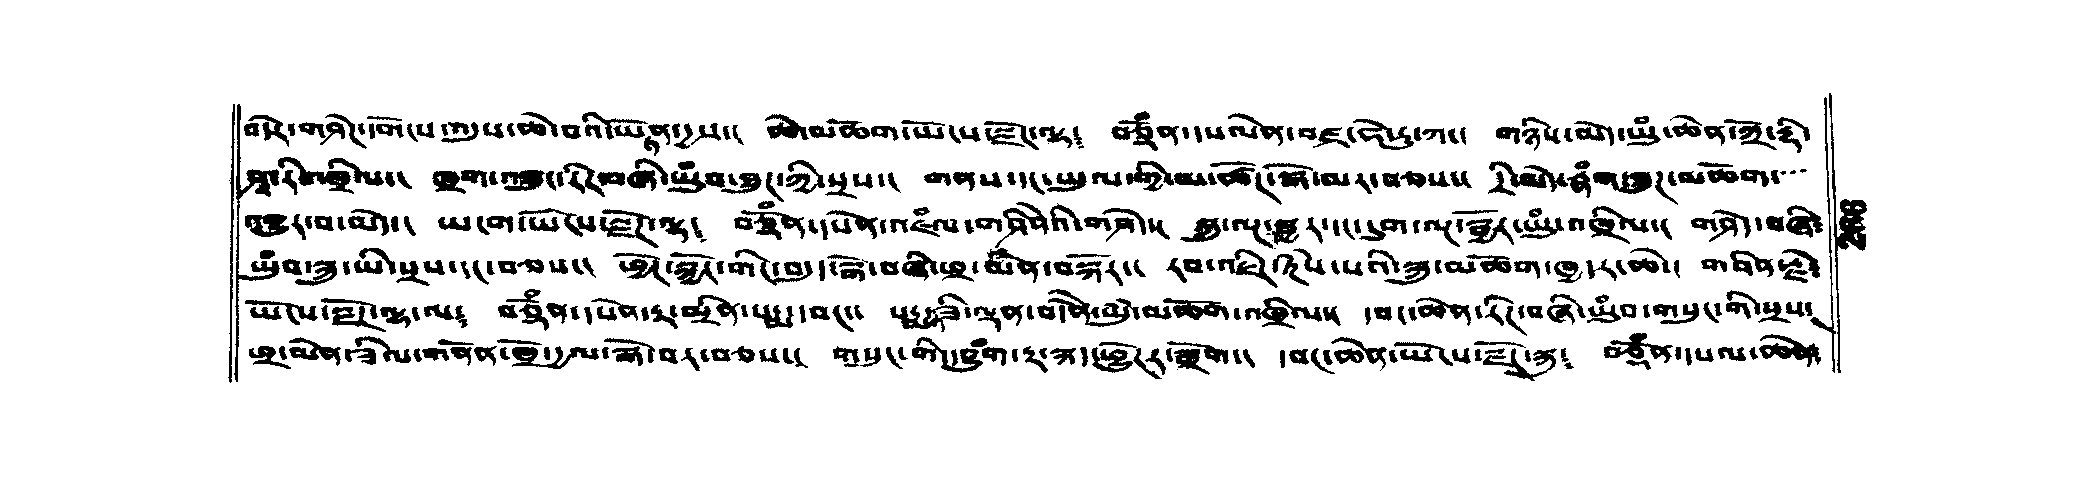བདེར་བཤེགས་དགོངས་འདུས་ཆེ་བའི་ཡོན་ཏན་རྒྱས། །ཆེ་མཆོག་ཡོངས་རྫོགས་ལྷ་༴ བཅོམ་ལྡན་དཔལ་ལེན་བཛྲ་ཧེ་རུ་ཀ། །གཉིས་མེད་ཡུམ་ཆེན་ཀྲོ་དྷི་
ཤྭ་རི་འཁྲིལ། །ཁྲག་འཐུང་རིགས་བཞི་ཡབ་ཡུམ་ཐུགས་ཀྱི་སྲས། །གནས་དང་ཡུལ་གྱི་མ་ཚོགས་སྒོ་མར་བཅས། །དྲི་མེད་རྣམ་དག་ཐུགས་མཆོག་
འགྱུར་བ་མེད། །ཡང་དག་རྫོགས་ལྷ་༴ བཅོམ་ལྡན་སྡེ་དཔོན་འཇམ་དཔལ་གཤིན་རྗེ་གཤེད།སྐུ་ལྔ་སྦྱར་དང་དུག་ལྔ་སྦྱོར་ཡུམ་འཁྲིལ། །གཤེད་བཞི་
ཡབ་ཡུམ་སྐུ་ཡི་སྲས་དང་བཅས། །ཕྱོགས་སྐྱོང་གིང་བདུད་སྒོ་བཞི་ཕྲ་མེན་བསྐོར། །རབ་འཇིགས་རྔམས་པའི་སྐུ་མཆོག་ཁྱད་པར་ཆེ། །གཤིན་རྗེ་
ཡོངས་རྫོགས་ལྷ་ལ་༴ བཅོམ་ལྡན་སྡེ་དཔོན་པདྨ་རྟ་མགྲིན་དབང་། །པདྨ་གཟི་ལྡན་བདེ་ཆེན་ཡུམ་མཆོག་འཁྲིལ། །དབང་ཆེན་རིགས་བཞི་ཡབ་ཡུམ་གསུང་གི་སྲས། །
ཕྲ་མེན་ཟིལ་གནོན་ཁྲོ་རྒྱལ་སྒོ་བར་བཅས། ། གསུང་གི་དབང་ཕྱུག་རྟ་སྐད་ཕྱོགས་བཅུར་སྒྲོག་དབང་ཆེན་ཡོངས་རྫོགས་སྐུ་༴ བཅོམ་ལྡན་དཔལ་ཆེན་